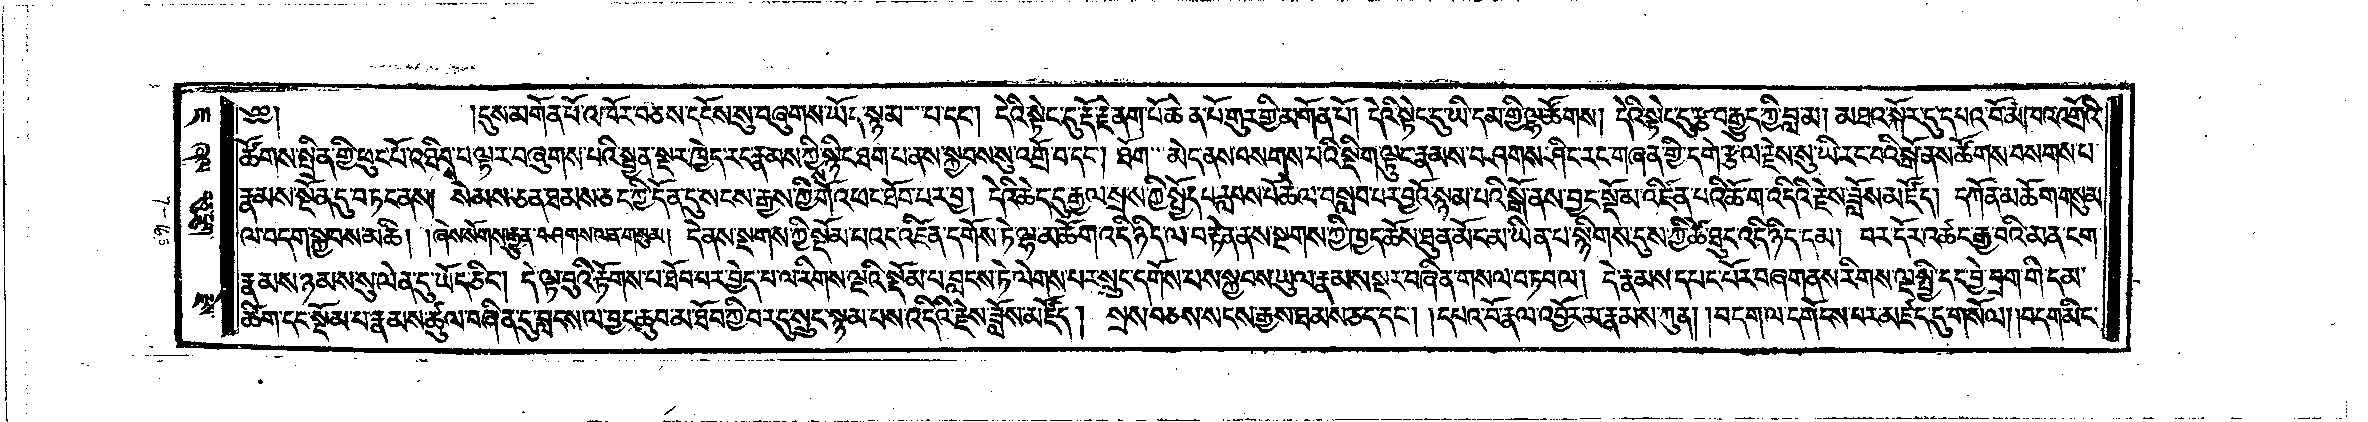༄༅། །དུས་མགོན་པེ་འཁོར་བཅས་དངོས་སུ་བཞུགས་ཡོད་སྙམ་པ་དང་། དེའི་སྟེང་དུ་རྡོ་རྗེ་ནག་པོ་ཆེན་པོ་གུར་གྱི་མགོན་པོ། དེའི་སྟེང་དུ་ཡི་དམ་གྱི་ལྷ་ཚོགས། དེའི་སྟེང་དུ་རྩ་བརྒྱུད་ཀྱི་བླ་མ། མཐའ་སྐོར་དུ་དཔའ་པོ་མཁའ་འགྲོའི་
ཚོགས་སྤྲིན་གྱི་ཕུང་པོ་འཐིབས་པ་ལྟར་བཞུགས་པའི་སྤྱན་སྔར་ཁྱེད་རང་རྣམས་ཀྱིས་སྙིང་ཐག་པ་ནས་སྐྱབས་སུ་འགྲོ་པ་དང་། ཐོག་མེད་ནས་བསགས་པའི་སྡིག་ལྟུང་རྣམས་བཤགས་ཤིང་རང་གཞན་གྱི་དགེ་རྩལ་རྗེས་སུ་ཡི་རང་བའི་སྒོ་ནས་ཚོགས་བསགས་པ་
རྣམས་སྔོན་དུ་བཏང་ནས། སེམས་ཅན་ཐམས་ཅད་ཀྱི་དོན་དུ་སངས་རྒྱས་ཀྱི་གོ་འཕང་ཐོབ་པར་བྱ། དེའི་ཆེད་དུ་རྒྱལ་སྲས་ཀྱི་སྤྱོད་པ་རླབས་པོ་ཆེ་ལ་བསླབ་པར་བྱའོ་སྙམ་པའི་སྒོ་ནས་བྱང་སྡོམ་པའི་འཛིན་པའི་ཆོ་ག་འདིའི་རྗེས་ཟློས་མཛོད། དཀོན་མཆོག་གསུམ་
ལ་བདག་སྐྱབས་མཆི། །ཞེས་སོགས་རྒྱུན་བཤགས་ལན་གསུམ།  དེ་ནས་སྔགས་ཀྱི་སྡོམ་པའང་འཛིན་དགོས་ཏེ་ལྷ་མཆོག་འདི་ཉིད་ལ་བརྟེན་ནས་སྔགས་ཀྱི་ཁྱད་ཆོས་ཐུན་མོང་མ་ཡིན་པ་སྙིགས་དུས་ཀྱི་ཚེ་ཐུང་འདི་ཉིད་དམ། བར་དོར་འཚང་རྒྱ་མའི་མན་ངག་
རྣམས་ཉམས་སུ་ལེན་དུ་ཡོད་ཅིང་། དེ་ལྟ་བུའི་རྟོགས་པ་ཐོབ་པར་བྱེད་པ་ལ་རིགས་ལྔའི་སྡོམ་པ་བླངས་ཏེ་ལེགས་པར་སྲུང་དགོས་པས་སྐྱབས་ཡུལ་རྣམས་སྔར་བཞིན་གསལ་བཏབ་ལ། དེ་རྣམས་དབང་པོར་བཞག་ནས་རིགས་ལྔ་སྤྱི་དང་བྱེ་བྲག་གི་དམ་
ཚིག་དང་སྡོམ་པ་རྣམས་ཚུལ་བཞིན་དུ་བླངས་ལ་བྱང་ཆུབ་མ་ཐོབ་ཀྱི་བར་དུ་སྲུང་སྙམ་པས་འདིའི་རྗེས་ཟློས་མཛོད། སྲས་བཅས་སངས་རྒྱས་ཐམས་ཅད་དང་། །དཔའ་བོ་རྣལ་འབྱོར་མ་རྣམས་ཀུན། །བདག་ལ་དགོངས་པར་མཛད་དུ་གསོལ། །བདན་པའི་